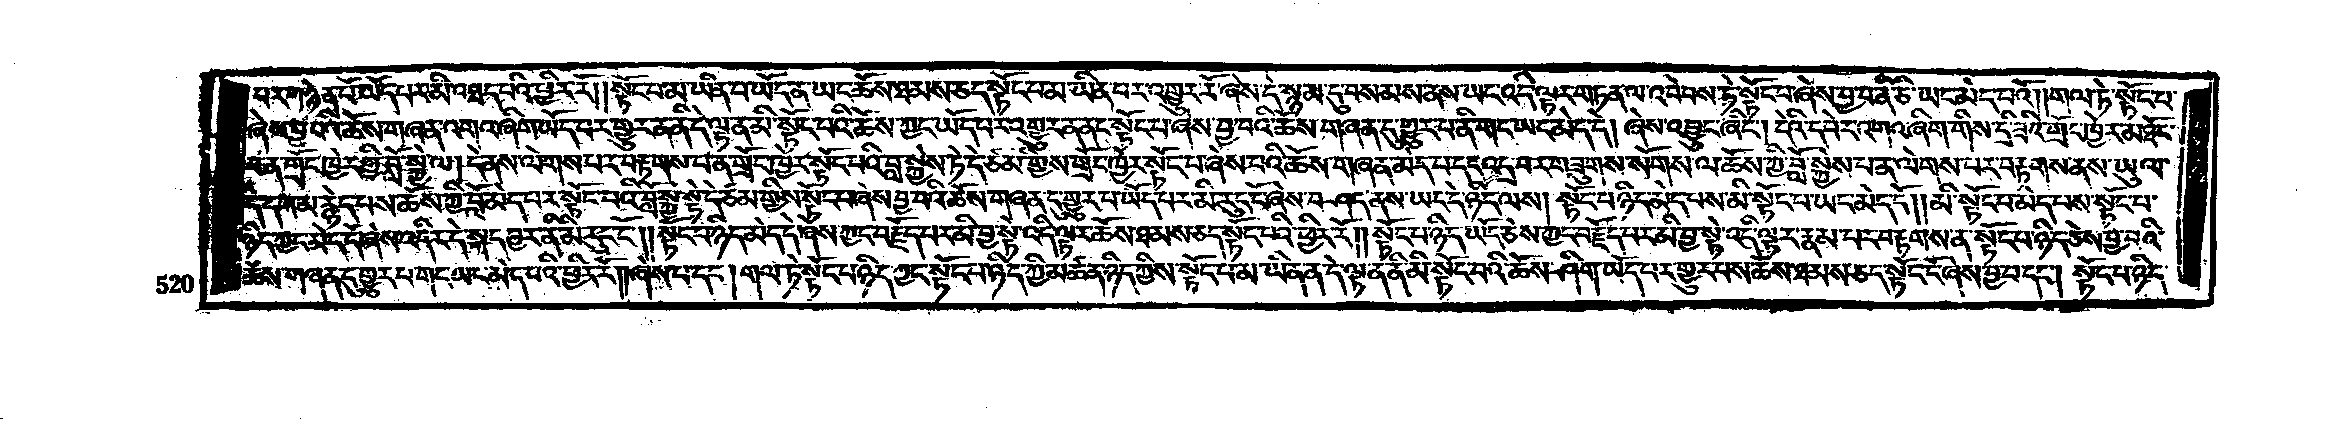པར་གཉེན་པོ་ཡོད་པར་མི་འཐད་པའི་ཕྱིར་རོ། །སྟོང་པ་མ་ཡིན་པ་ཡོད་ན་ཡང་ཆོས་ཐམས་ཅད་སྟོང་པ་མ་ཡིན་པར་འགྱུར་རོ་ཞེས་དེ་སྙམ་དུ་བསམས་ནས་ཡང་འདི་ལྟར་གཏན་ལ་འབེབས་ཏེ་སྟོང་པ་ཞེས་བྱ་བ་ནི་ཅི་ཡང་མེད་པའོ། །གལ་ཏེ་སྟོང་པ་
ཞེས་བྱ་བའི་ཆོས་གཞན་འགའ་ཞིག་ཡོད་པར་གྱུར་ན་ནི་དེ་ལྟ་ན་མི་སྟོང་པའི་ཆོས་ཀྱང་ཡོད་པར་འགྱུར་ན་ནང་སྟོང་པ་ཞེས་བྱ་བའི་ཆོས་གཞན་དུ་གྱུར་པ་ནི་གང་ཡང་མེད་དེ། ཞེས་འབྱུང་ཞིང་། དེའི་དཔེར་འགའ་ཞིག་གིས་དྲི་ཟའི་གྲོང་ཁྱེར་མཐོང་
བ་ན་གྲོང་ཁྱེར་གྱི་བློ་སྐྱེ་ལ། དེ་ནས་ལེགས་པར་བརྟགས་པ་ན་གྲོང་ཁྱེར་སྟོང་པའི་བླ་སྐྱེས་ཏེ་དེ་ཙམ་གྱིས་ཁྱེར་སྟོང་པ་ཞེས་པའི་ཆོས་གཞན་མེད་པ་དང་འདྲ་བར་གཟུགས་སོགས་ལ་ཆོས་ཀྱི་བློ་སྐྱེས་པ་ན་ལེགས་པར་བརྟགས་ནས་ཡུལ་
དེ་དག་མ་རྙེད་པས་ཆོས་ཀྱི་བློ་མེད་པར་སྟོང་པའི་བློ་སྐྱེ་སྟེ་དེ་ཙམ་གྱིས་སྟོང་པ་ཞེས་བྱ་བའི་ཆོས་གཞན་དུ་གྱུར་པ་ཡོད་པར་མི་རུང་ངོ་ཞེས་བཤད་ནས་ཡང་དེ་ཉིད་ལས། སྟོང་པ་ཉིད་མེད་པས་མི་སྟོང་པ་ཡང་མེད་དོ། །མི་སྟོང་པ་མེད་པས་སྟོང་པ་
ཉིད་ཀྱང་མེད་དོ་ཞེས་འདིར་དེ་སྐད་བྱར་ནི་མི་རུང་ངོ། །སྟོང་པ་ཉིད་མེད་དེ་ཞེས་ཀྱང་བརྗོད་པར་མི་བྱ་སྟེ་འདི་ལྟར་ཆོས་ཐམས་ཅད་སྟོང་པའི་ཕྱིར་རོ། །སྟོང་པ་ཉིད་ཡོད་ཅེས་ཀྱང་བརྗོད་པར་མི་བྱ་སྟེ་འདི་ལྟར་རྣམ་པར་བརྟགས་ན་སྟོང་པ་ཉིད་ཅེས་བྱ་བའི་
ཆོས་གཞན་དུ་གྱུར་པ་གང་ཡང་མེད་པའི་ཕྱིར་རོ། །ཞེས་པ་དང་། གལ་ཏེ་སྟོང་པ་ཉིད་ཀྱང་སྟོང་པ་ཉིད་ཀྱི་མཚན་ཉིད་ཀྱིས་སྟོང་པ་མ་ཡིན་ན་དེ་ལྟ་ན་ནི་མི་སྟོང་བའི་ཆོས་ཤིག་ཡོད་པར་གྱུར་པས་ཆོས་ཐམས་ཅད་སྟོང་ངོ་ཞེས་བྱ་བ་དང་། སྟོང་པ་ཉིད་